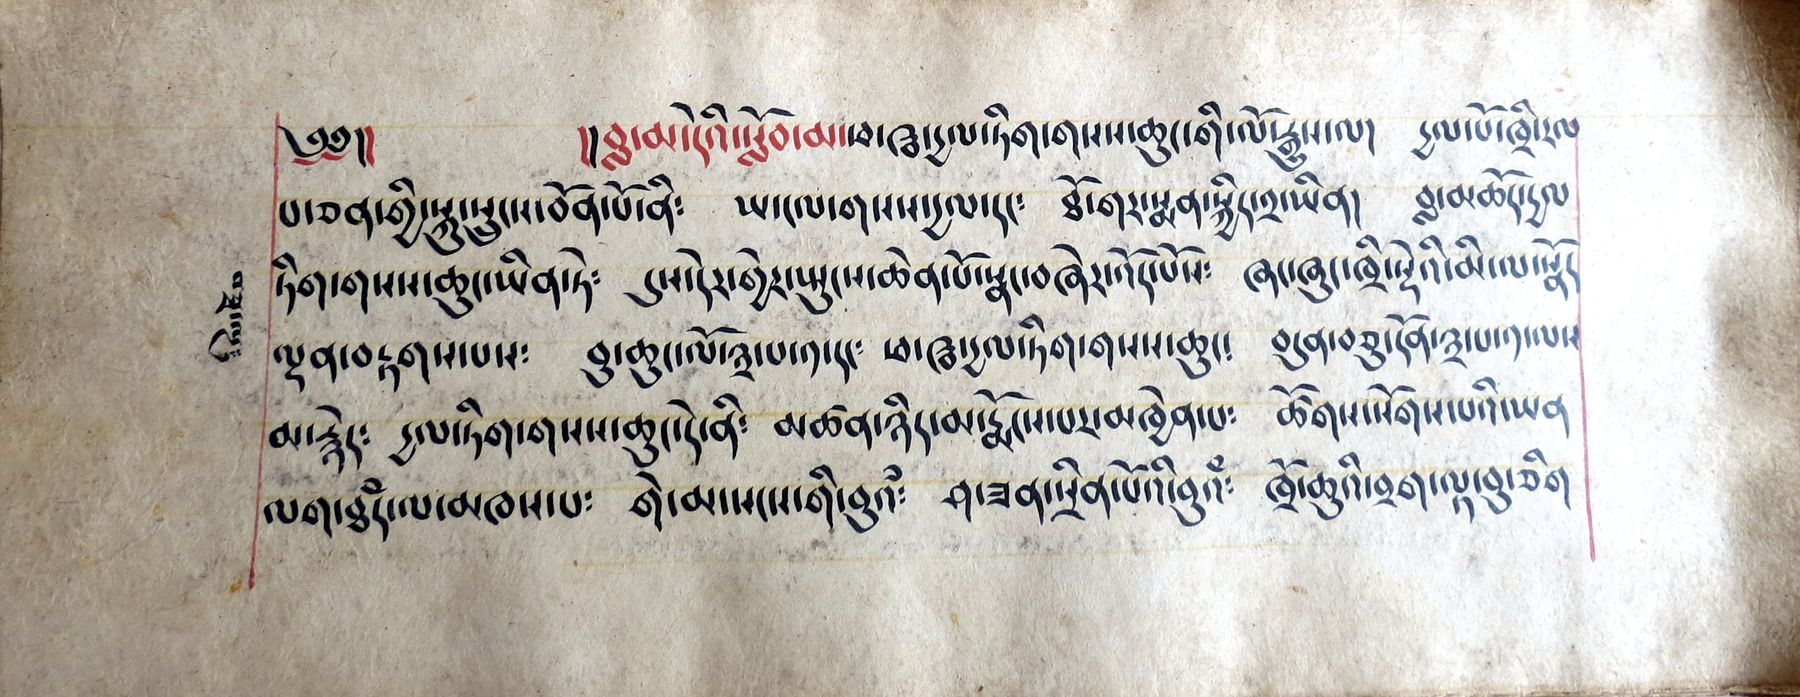བླ་མ་དེའི་སློབ་མ་ཕ་ཝ་རྒྱལ་ཏིག་གསས་ཆུང་གི་ལོ་རྒྱུས་ལ། རྒྱལ་པོ་ཁྲི་རལ་
པ་ཅན་གྱི་སྐུ་སྲུང་ནི། ཡ་ངལ་གསས་རྒྱལ་དང་ཐོད་དཀར་སྨན་སྐྱིད་གཉིས་ཡིན། བླ་མཆོད་རྒྱལ་
ཏིག་གསས་ཆུང་ཡིན། དུས་དེར་གྱེར་སྤུངས་ཆེན་པོ་སྣང་བཞེར་འོད་པོས། ཞང་ཞུང་ཁྲི་སྡེའི་མི་ལ་སྣོད་
ལྡན་བརྟགས་པས། ༼དམུ་ཙོག་གེ་༽བུ་ཆུང་ལོ་གསུམ་པ་གཅིག་དང་། ཕ་ཝ་རྒྱལ་ཏིག་གསས་ཆུང་བདུན་ཅུ་དོན་གསུམ་པ་གཅིག་ལས་
མ་རྙེད། རྒྱལ་ཏིག་གསས་ཆུང་དེ་ནི། མཚན་ཉིད་མ་རྨོངས་པར་མཁྱེན་པ། ཚོགས་སོགས་པའི་ཡན་
ལག་ཐམས་ཅད་ལ་མཁས་པ། གེ་མ་སང་གི་བུ་འམ། ཤ་ཟན་སྲིན་པོའི་བུ་འམ། ཁྲོ་ཆུའི་བྲག་ལྟ་བུ་ཅིག་